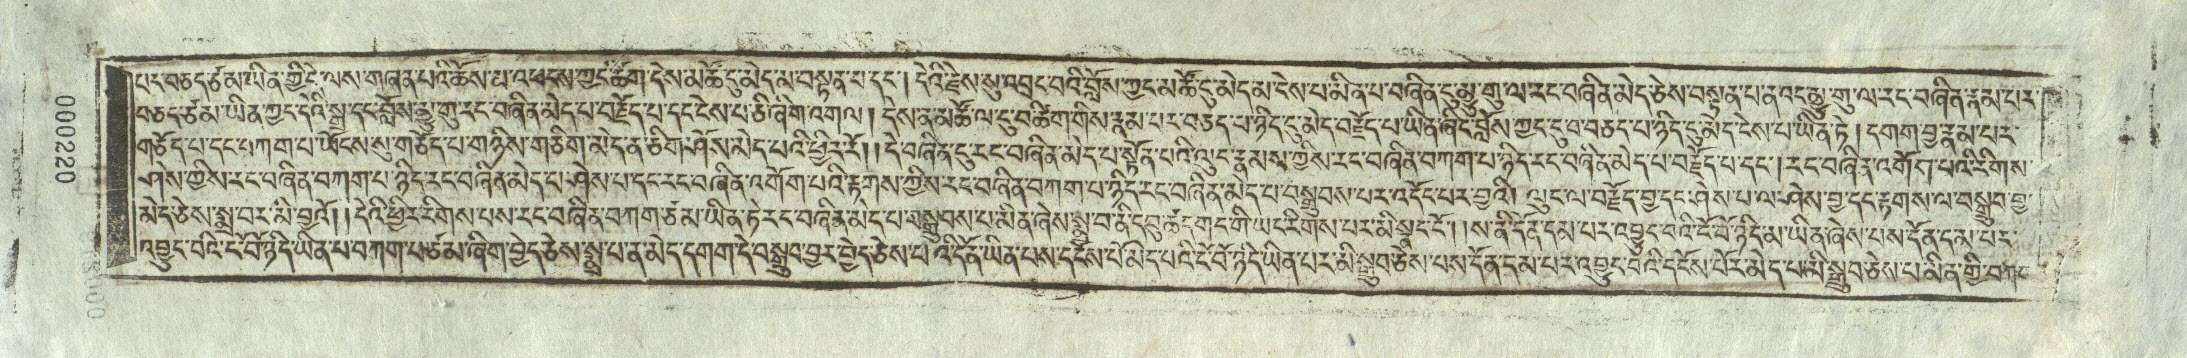པར་བཅད་ཙམ་ཡིན་གྱི་དེ་ལས་གཞན་པའི་ཆོས་མ་འཕངས་ཀྱང་ཚིག་དེས་མཚོ་དུ་མེད་མ་བསྟན་པ་དང་། དེའི་རྗེས་སུ་འབྲང་བའི་བློས་ཀྱང་མཚོ་དུ་མེད་མ་ངེས་པ་མིན་པ་བཞིན་དུ་མྱུ་གུ་ལ་རང་བཞིན་མེད་ཅེས་བསྟན་པ་ནའང་མྱུ་གུ་ལ་རང་བཞིན་རྣམ་པར་
བཅད་ཙམ་ཡིན་ཀྱང་དེའི་སྒྲ་དང་བློས་མྱུ་གུ་རང་བཞིན་མེད་བ་བརྗོད་པ་དང་ངེས་པ་ཅི་ཞིག་འགལ། དེས་ན་མཚོ་ལ་དུ་བ་ཚིག་གིས་རྣམ་པར་བཅད་པ་ཉིད་དུ་མེད་བརྗོད་པ་ཡིན་ཞིང་བློས་ཀྱང་དུ་བ་བཅད་པ་ཉིད་དུ་མེད་ངེས་པ་ཡིན་ཏེ། དགག་བྱ་རྣམ་པར་
གཅོད་པ་དང་བཀག་པ་ཡོངས་སུ་གཅོད་པ་གཉིས་གཅིག་མེད་ན་ཅིག་ཤོས་མེད་པའི་ཕྱིར་རོ། །དེ་བཞིན་དུ་རང་བཞིན་མེད་པ་སྟོན་པའི་ལུང་རྣམས་ཀྱིས་རང་བཞིན་བཀག་པ་ཉིད་རང་བཞིན་མེད་པ་བརྗོད་པ་དང་། རང་བཞིན་འགོག་པའི་རིགས་
ཤེས་ཀྱིས་རང་བཞིན་བཀག་པ་ཉིད་རང་བཞིན་མེད་པ་ཤེས་པ་དང་རང་བཞིན་འགོག་པའི་རྟགས་ཀྱིས་རང་བཞིན་བཀག་པ་ཉིད་རང་བཞིན་མེད་པ་བསྒྲུབས་པར་འདོང་པར་བྱའི། ལུང་ལ་བརྗོད་བྱ་དང་ཤེས་པ་ལ་ཤེས་བྱ་དང་རྟགས་ལ་བསྒྲུབ་བྱ་
མེད་ཅེས་སྨྲ་བར་མི་བྱའོ། །དེའི་ཕྱིར་རིགས་པས་རང་བཞིན་བཀག་ཙམ་ཡིན་ཏེ་རང་བཞིན་མེད་པ་བསྒྲུབས་པ་མིན་ཞེས་སྨྲ་བ་ནི་དབུ་ཚད་གང་གི་ཡང་རིགས་པར་མི་སྣང་ངོ། །ས་ནི་དོན་དམ་པར་འབྱུང་བའི་ངོ་བོ་ཉིད་མ་ཡིན་ཞེས་པས་དོན་དམ་པར་
འབྱུང་བའི་ངོ་བོ་ཉིད་ཡིན་པ་བཀག་པ་ཙམ་ཞིག་བྱེད་ཅེས་སྨྲ་བ་ན་མེད་དགག་དེ་བསྒྲུབ་བྱར་བྱེད་ཅེས་པའི་དོན་ཡིན་པས་དངོས་པོ་མེད་པའི་ངོ་བོ་ཉིད་ཡིན་པར་མི་སྒྲུབ་ཅེས་པས་དོན་དམ་པར་འབྱུང་བའི་དངོས་པོར་མེད་པ་མི་སྒྲུབ་ཅེས་པ་མིན་གྱི་བཀག་